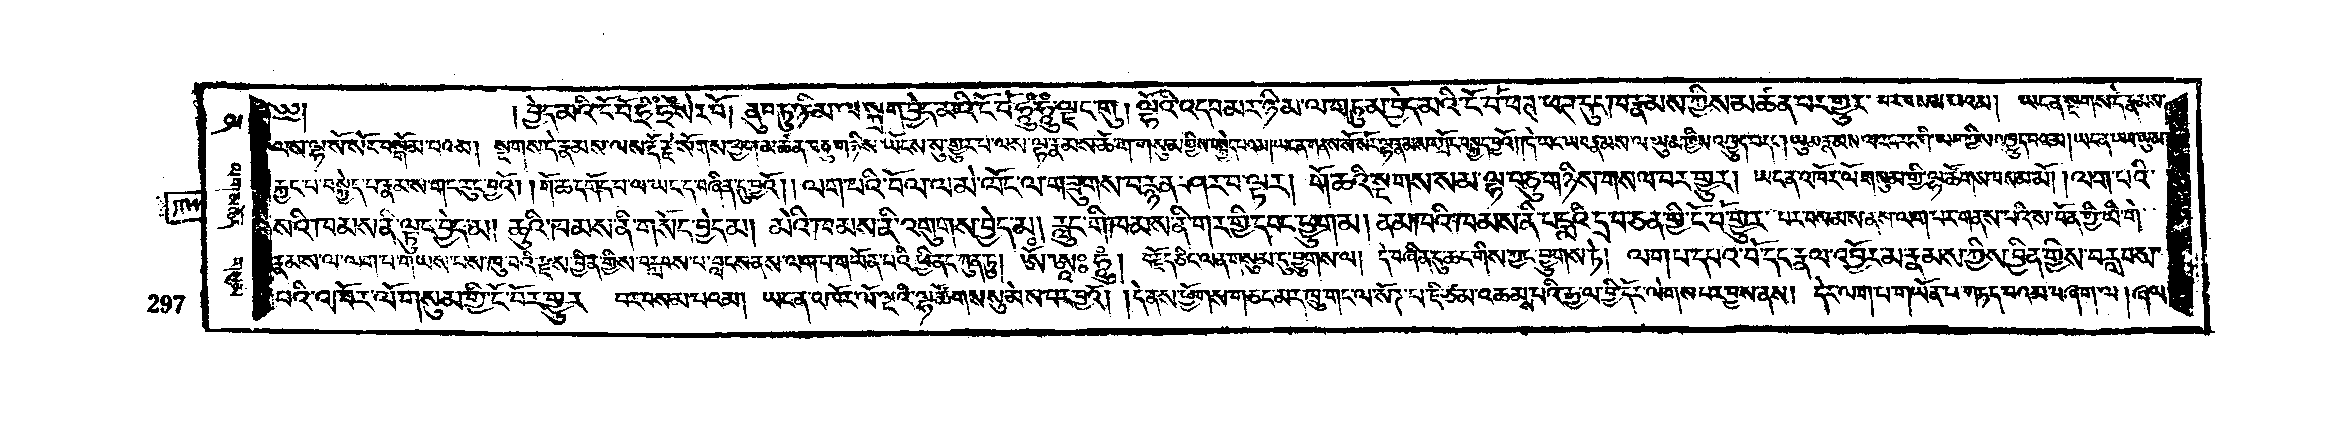༄༅། །བྱེད་མའི་ངོ་བོ་ཧྲིཾ་ཧྲིཾ་སེར་པོ། ནུབ་ཏུ་ཉི་མ་ལ་སྐྲག་བྱེད་མའི་ངོ་བོ་ཧཱུཾ་ཧཱུཾ་ལྗང་གུ །ལྷོའི་འདབ་མར་ཉི་མ་ལ་གཏུམ་བྱེད་མའི་ངོ་བོ་ཕཊ་ཕཊ་དུད་ཁ་རྣམས་ཀྱིས་མཚན་པར་གྱུར་བར་བསམ་པའམ། ཡང་ན་སྔགས་དེ་རྣམས་
ལས་ལྷ་སོ་སོར་བསྒོམ་པའམ། སྔགས་དེ་རྣམས་ལས་རྡོ་རྗེ་སོགས་ཕྱག་མཚན་བཅུ་གཉིས་ཡོངས་སུ་གྱུར་པ་ལས་ལྷ་རྣམས་ཆོ་ག་གསུམ་གྱིས་བསྐྱེད་པའམ། ཡང་ན་གནས་སོ་སོར་ལྷ་རྣམས་དཀྲོང་བསྐྱེད་བྱའོ། །དེ་ཡང་ཡབ་རྣམས་ལ་ཡུམ་གྱིས་འཁྱུད་པ་དང་། ཡུམ་རྣམས་ལ་རང་རང་གི་ཡབ་ཀྱིས་འཁྱུད་པའམ། ཡང་ན་ཡབ་ཡུམ་
རྐྱང་པ་བསྐྱེད་པ་རྣམས་གང་རུང་བྱའོ། །གོ་ཆ་དགོད་པ་ལ་ཡང་ད་བཞིན་དུ་བྱའོ། །ལག་པའི་བོལ་ལ་མེ་ལོང་ལ་གཟུགས་བརྙན་ཤར་བ་ལྟར། གོ་ཆའི་སྔགས་སམ་ལྷ་བཅུ་གཉིས་གསལ་བར་གྱུར། ཡང་ན་འཁོར་ལོ་གསུམ་གྱི་ལྷ་ཚོགས་བསམ་མོ།  ལྷག་པའི་
སའི་ཁམས་ནི་ལྟུང་བྱེད་མ། ཆུའི་ཁམས་ནི་གསོད་བྱེད་མ། མེའི་ཁམས་ནི་འགུགས་བྱེད་མ། རླུང་གི་ཁམས་ནི་གར་གྱི་དབང་ཕྱུག་མ། ནམ་མཁའི་ཁམས་ནི་པདམའི་དྲ་བ་ཅན་གྱི་ངོ་བོ་གྱུར། པར་བསམས་ནས་ལག་པར་གནས་པའི་ས་བོན་གྱི་ཡི་གེ་
རྣམས་ལ་ལག་པ་གཡས་པས་ཁུ་བའི་རྫས་བྱིན་གྱིས་བརླབས་པ་བླངས་ནས་ལག་པ་གཡེན་པའི་ཕྱི་ནང་ཀུན་ཏུ། ཨོཾ་ཨཱཿ ཧཱུཾ། བརྗོད་ཅིང་ལན་གསུམ་དུ་ཕྱུགས་ལ། དེ་བཞིན་དུ་ཆང་གིས་ཀྱང་བྱུགས་ཏེ།  ལག་པ་དཔའ་བོ་དང་རྣལ་འབྱོར་མ་རྣམས་ཀྱིས་བྱིན་གྱིས་བརླབས་
པའི་འཁོར་ལོ་གསུམ་གྱི་ངོ་བོར་གྱུར། པར་བསམ་པའམ། ཡང་ན་འཁོར་ལོ་ལྔའི་ལྷ་ཚོགས་སུ་མེས་པར་བྱའོ། །དེ་ནས་ཕྱོགས་གཙང་མར་ཁྲུ་གང་ལ་སོགས་པ་ཇི་ཙམ་འཚམས་པའི་རྒྱ་ལ་ཕྱི་དོར་ལེགས་པར་བྱས་ནས། དེར་ལག་པ་གཡོན་པ་གཏད་པའམ་བཞག་ལ། ཞལ་